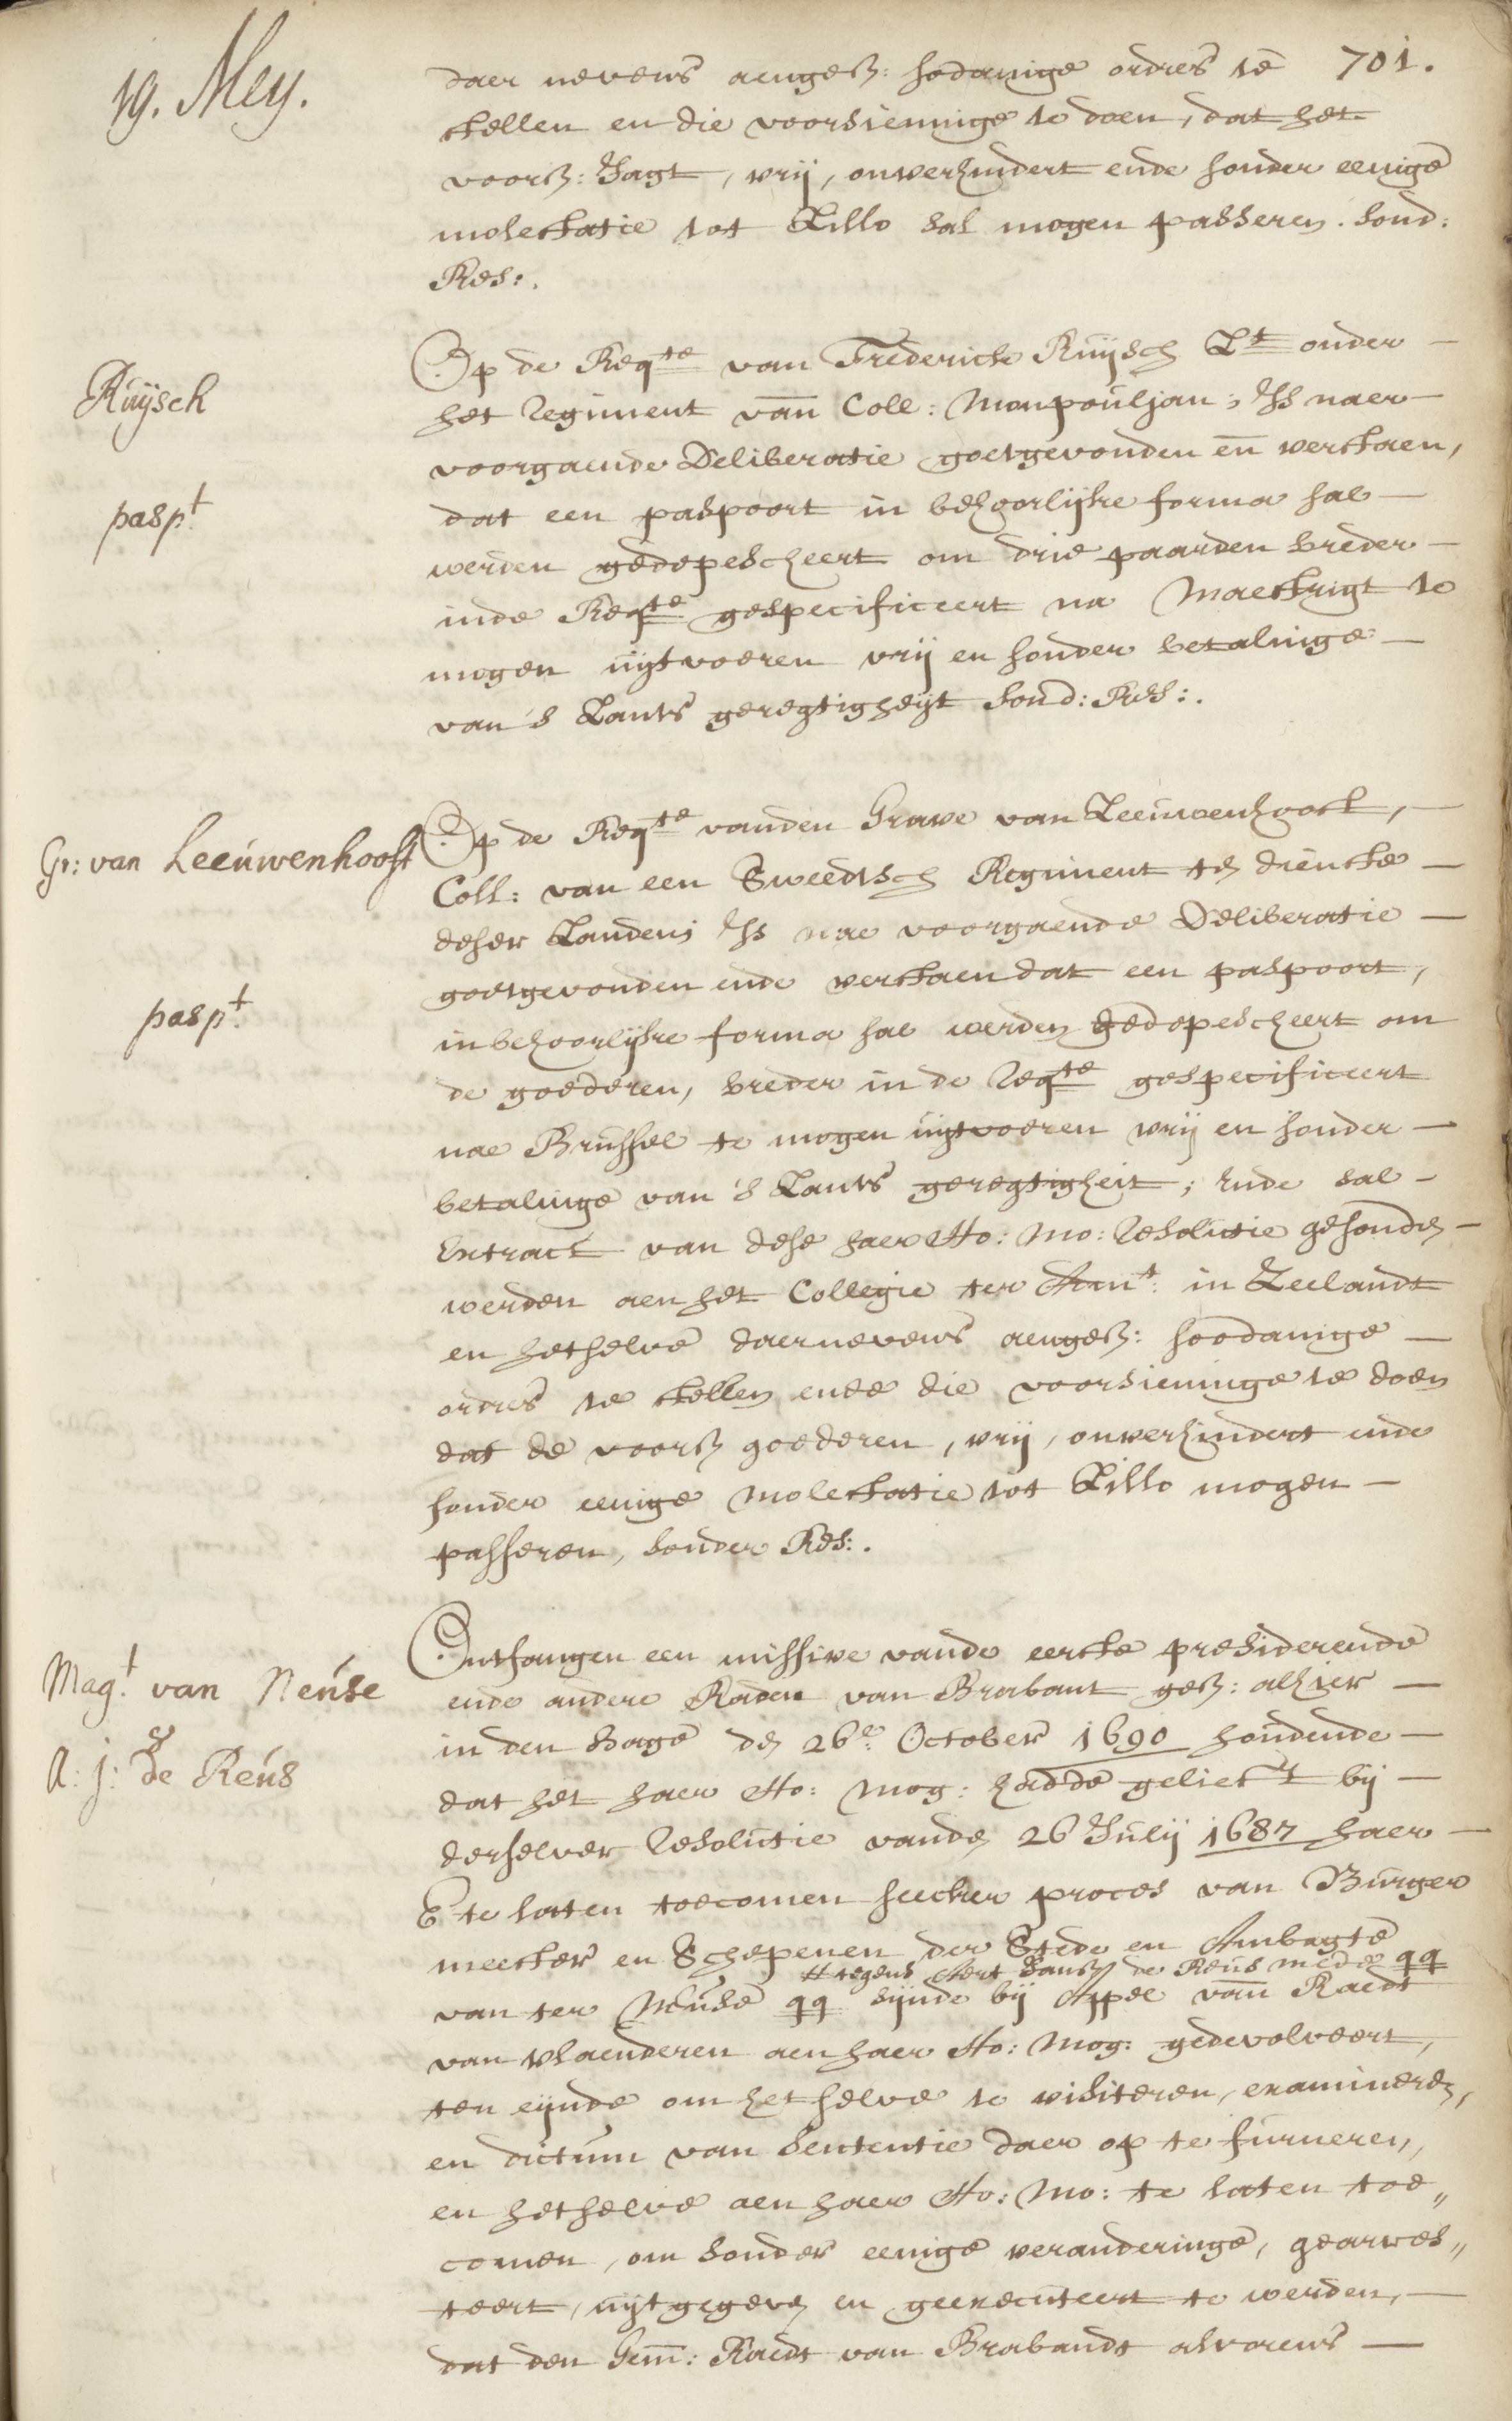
701.
19. Meij.
daer nevens aenges: sodanige ordres te
stellen en die voorsieninge te doen, dat het
voors: jagt, vrij, onverhindert ende sonder eenige
molestatie tot Lillo sal mogen passeren, sond:
Res:
Ruijsch
paspt.
Op de Reqte van Frederick Ruijsch Lt onder
het regiment van Coll: Manpouljan: Is nae
voorgaende deliberatie goetgevonden en verstaen,
dat een paspoort in behoorlijke forma sal
werden gedepescheert om drie paarden breder
inde Reqte gespecificeert na Maestrigt te
mogen uijtvoeren vrij en sonder betalinge
van ‛s Lants geregtigheijt sond: Res:
Gr: van Leeuwenhooft
Paspt.
Op de Reqte vanden Grave van Leeuwenhooft
Coll: van een Sweedtsch Regiment ten dienste
deser Landen: Is nae voorgaende deliberatie
goetgevonden ende verstaen dat een paspoort.
in behoorlijke forma sal werden gedepescheert om
de goederen, breder in de reqte gespecificeert
nae Brussel te mogen uijtvoeren vrij en sonder
betalinge van ‛s Lants geregtigheit; ende sal -
Extract van dese haer Ho:Mo: resolutie gehouden
werden aen het Collegie ter Admt. in Zeelandt
en hetselve daernevens aenges: soodanige
ordes te stellen ende die voorsieninge te doen
dat de voors goederen, vrij, onverhindert ende
fonder eenige molestatie tot Lillo mogen
passeren, sonder Res:
Magt. van Neuse
A. J. de Reus
Ontfangen een missive vande eerste presiderende
ende andere Raden van Brabant ges: alhier
in den Hage den 26e. October 1690 houdende
dat het haer Ho: mog: hadde gelieft bij
derselver resolutie vanden 26 Julij 1687 haer
E te laten toecomen seecker proces van Burger
meester en Schepenen der Stede en Ambagte
,,tegens Aert Jansz de Reus mede qq
van ter Neuse qq sijnde bij Appel van Raedt
van Vlaenderen aen haer Ho:Mog: gedevolveert
ten eijnde om het selve to visiteren, examineren
en dictum van sententie daer op te furneren
en hetselve aen haer Ho:Mo: te laten toe„
comen, om sonder eenige veranderinge, gearres„
teert, uijtgegeven en geexecuteert te werden,
dat den Gem: Raedt van Brabandt alvorens
